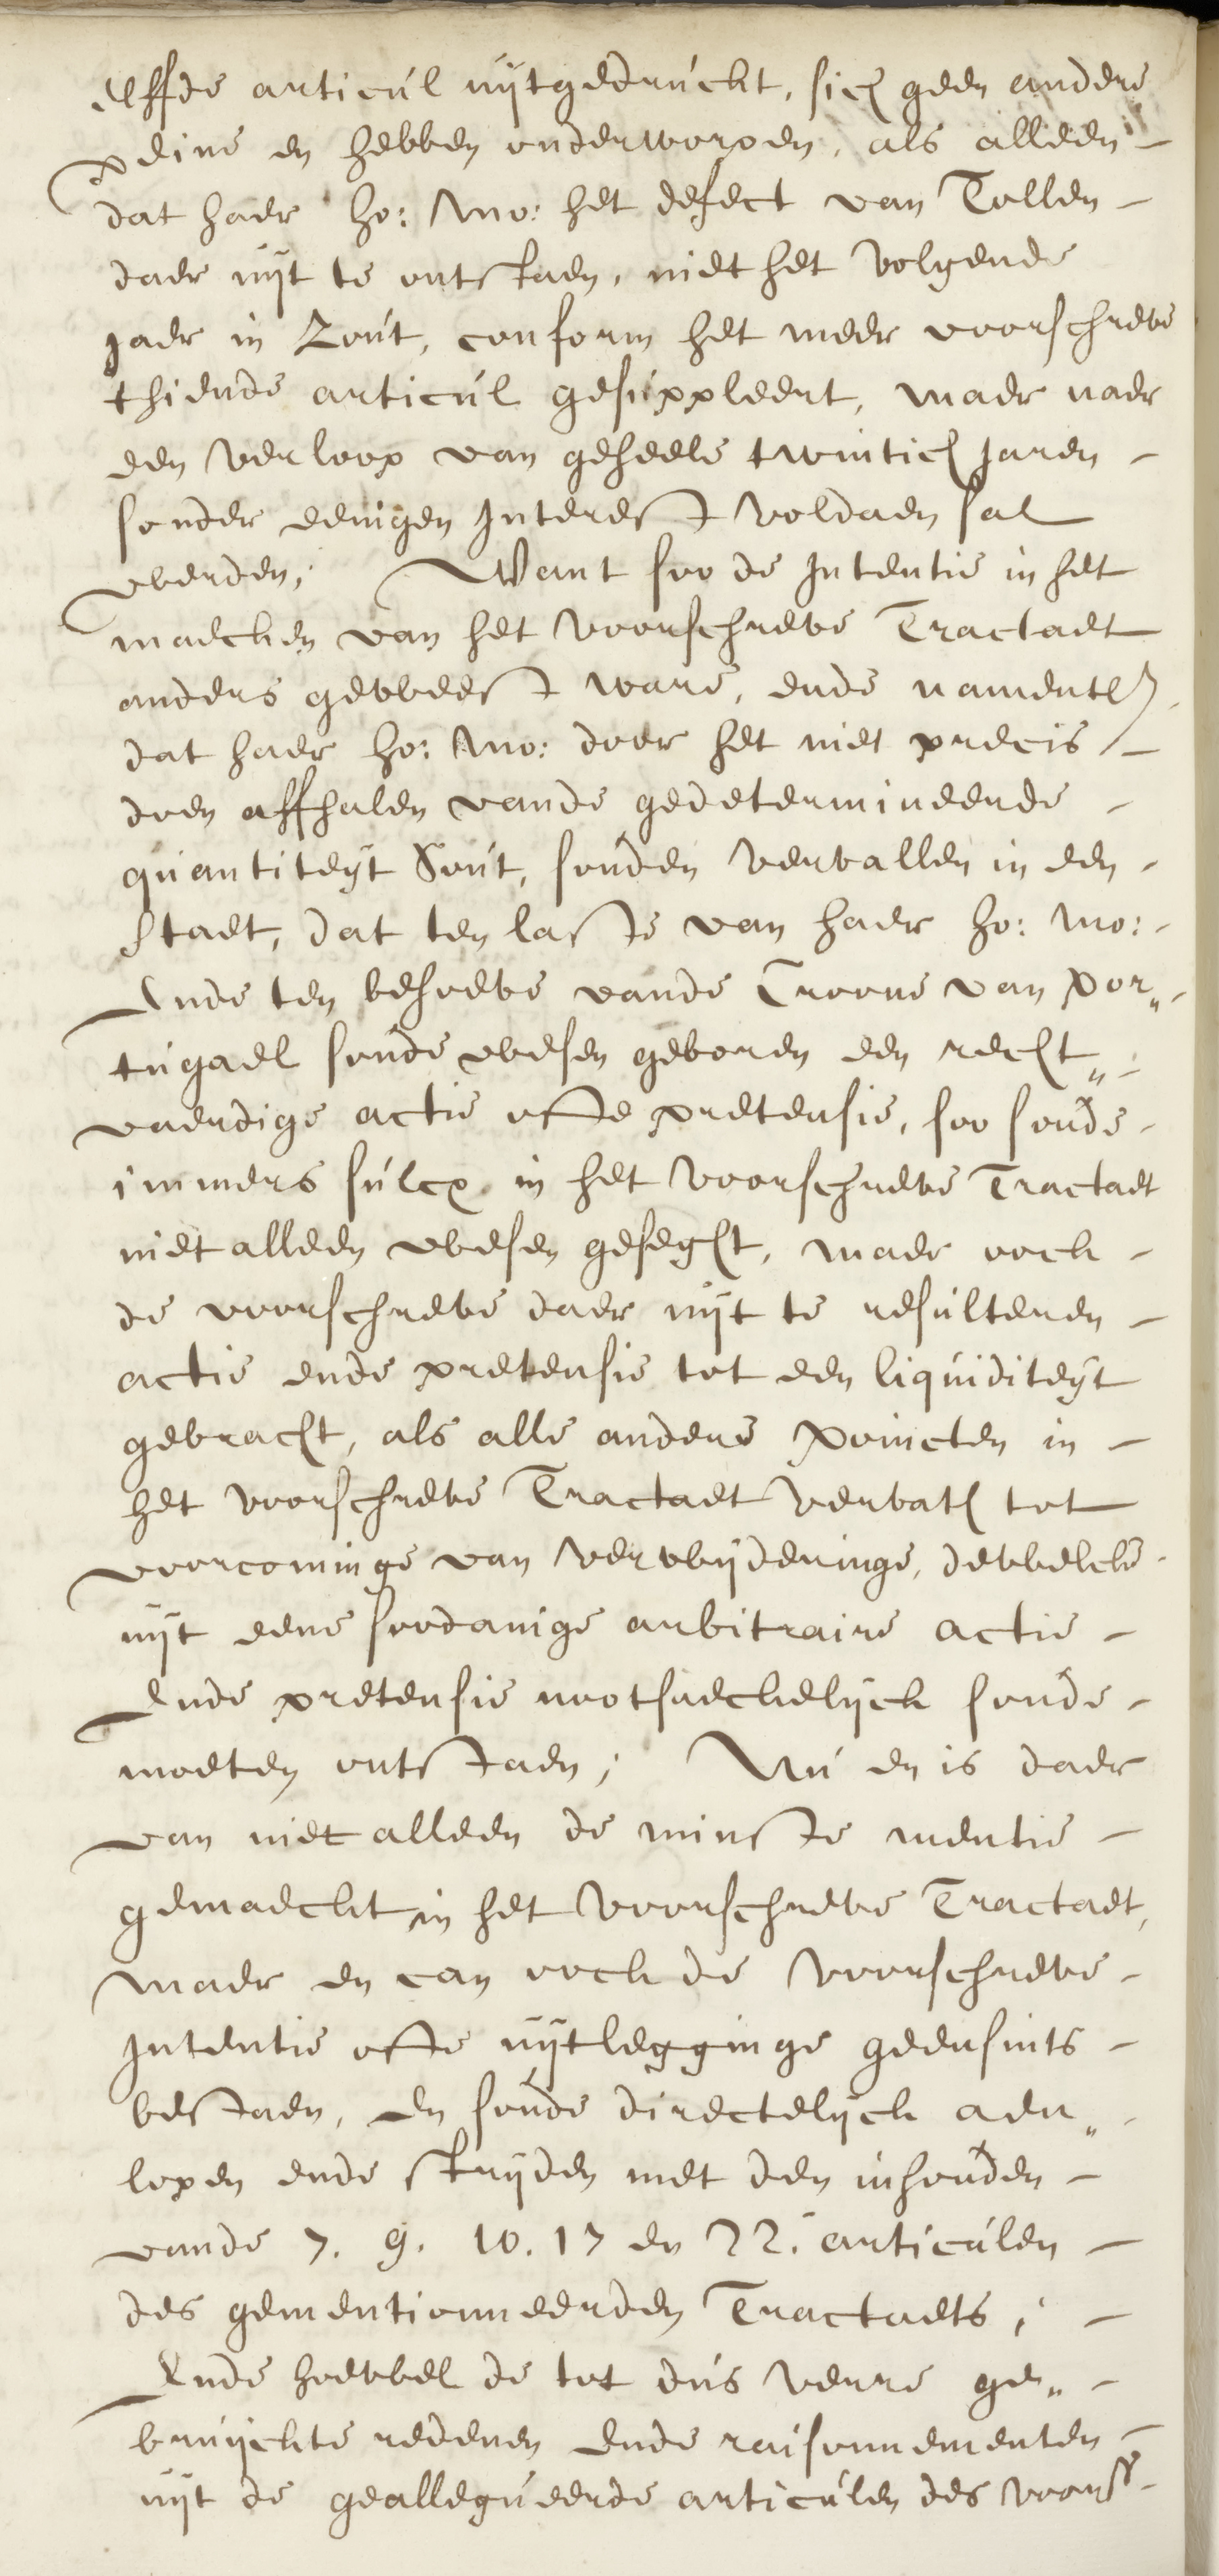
elffde articul uijtgedruckt, sich geen andere
peine en hebben onderworpen, als alleen
dat haer ho:Mo: het defect van Tollen -
daer uijt te ontstaen, niet het volgende
jaer in Zout, conform het meer voorschreve
thiende articul gesuppleert, maer naer
een verloop van geheele twintich jaren
sonder eenigen interest voldaen sal
werden; Want soo de intentie in het
maecken van het voorschreve Tractaet
anders geweest ware, ende namentl.
dat haer ho:Mo: door het niet precis
doen affhalen vande gedetermineerde
quantiteijt Sout, souden vervallen in een
staet, dat ten laste van haer ho:Mo:
ende ten behoeve vande Croone van por„
tugael soude wesen geboren een recht„
vaerdige actie ofte pretensie, soo soude
immers sulcx in het voorschreve Tractaet
niet alleen wesen geseght, maer oock
de voorschreve daer uijt te resulteren
actie ende pretensie tot een liquiditeijt
gebracht, als alle andere poincten in -
het voorschreve Tractaet vervath tot
voorcominge van verwijderinge, dewelcke
uijt eene soodanige arbitraire actie
ende pretensie nootsaeckelijck soude
moeten ontstaen; Nu en is daer
van niet alleen de minste mentie
gemaeckt in het voorschreve Tractaet,
maer en can oock de voorschreve
intentie ofte uijtlegginge geensints
bestaen, en soude directelijck aen„
lopen ende strijden met den inhouden
vande 7. 9. 10. 17 en 22. articulen
des gementionneerden Tractaets;
Ende hoewel de tot dus verre ge„
bruijckte redenen ende raisonnementen
uijt de geallegueerde articulen des voors.
